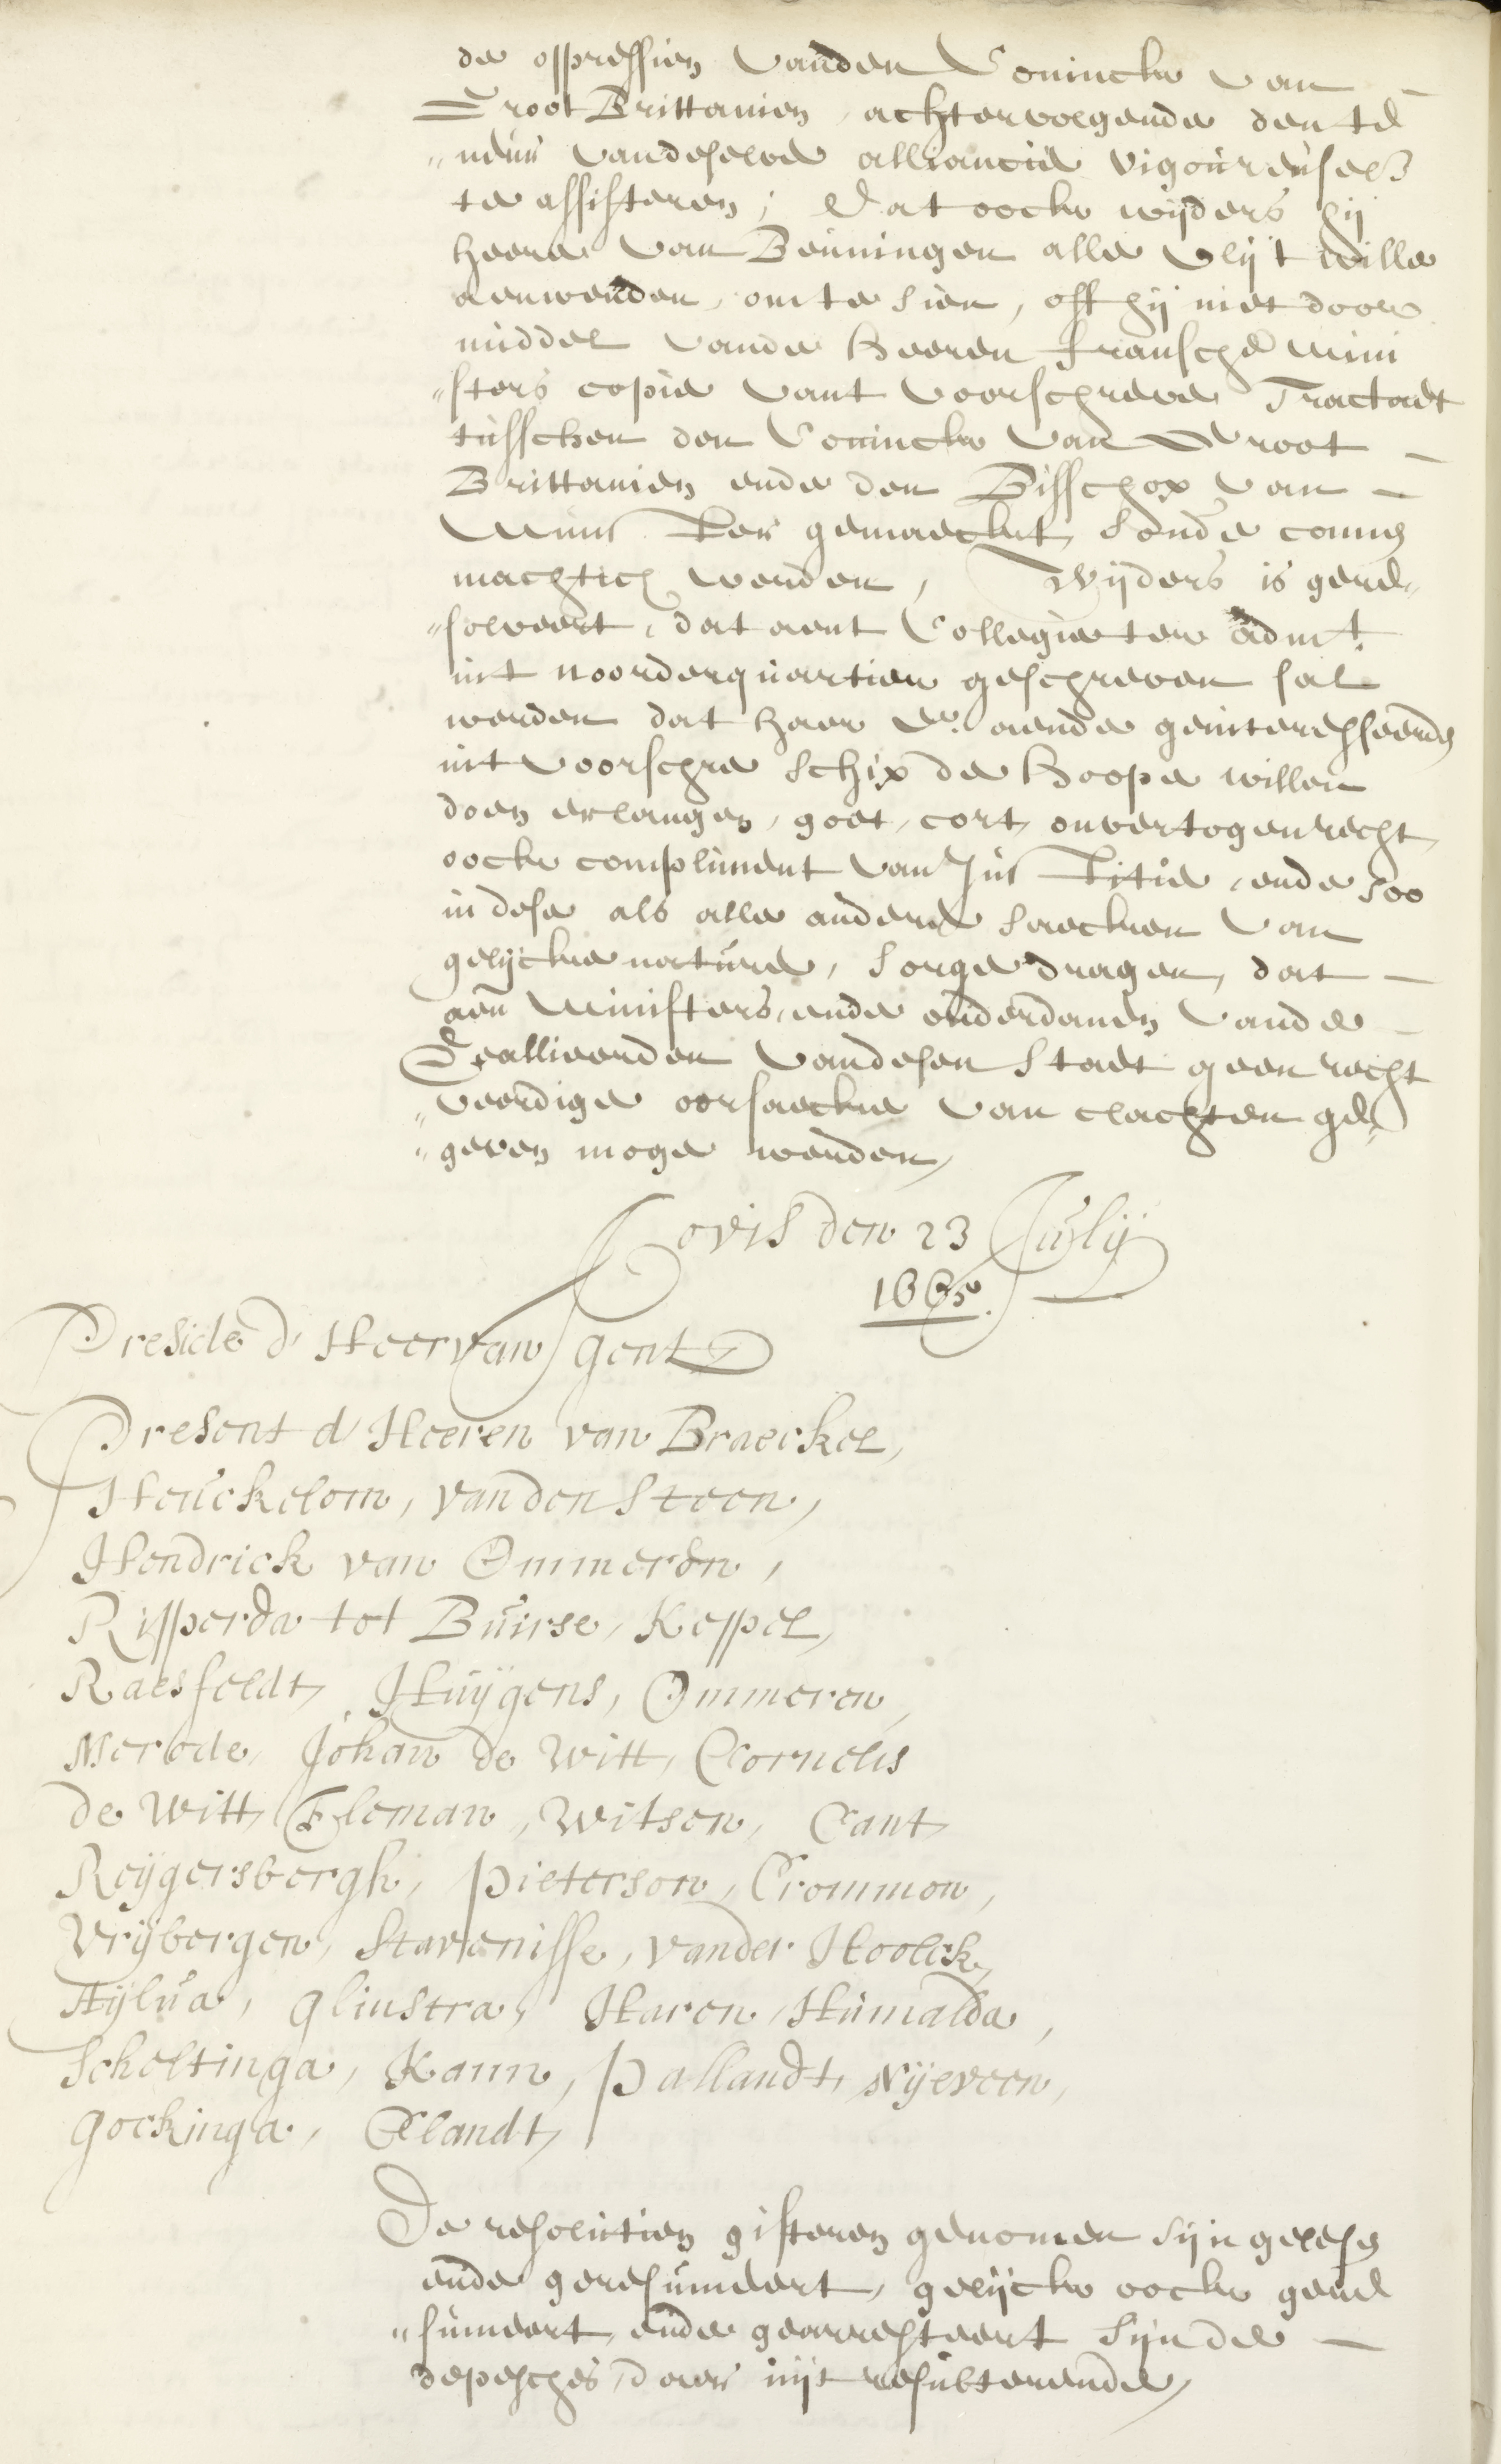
de oppressien vanden Coninck van
Groot Brittanien, achtervolgende den te
„neur van deselve alliancie vigoureusel
te assisteren; Dat oock wijders hij
heere van Beuningen alle vlijt wille
aenwenden, om te sien, off hij niet door
middel vande Heeren fransche Mini
„sters copie vant voorschreven Tractaet
tusschen den Coninck van Groot
Brittanien ende den Bisschop van
Munster gemaeckt, soude connen
machtich werden. Wijders is gere,,
„solveert, dat aent Collegie ter admt.
int noorderquartier geschreven sal
werden dat haer E. aende geinteresseerden
int voorschre schip de Hoope willen
doen erlangen, goet, cort, onvertogen recht,
oock compliment van Justitie, ende soo
in dese als alle andere saecken van
gelijcke nature, sorge dragen, dat
aen Ministers, ende onderdanen vande
Geallieerden van desen Staet geen recht
„veerdige oorsaecke van clachten ge„
„geven moge werden.
Jovis den 23 Julij
1665.
Preside d' Heer van gent
Present d'Heeren van Braeckel,
Heuckelom, vanden Steen,
Hendrick van Ommeren,
Ripperda tot Buirse, Keppel,
Raesfeldt, Huijgens, Ommeren,
Merode, Johan de Witt, Cornelis
de Witt, Eleman, Witsen, Cant,
Reijgersbergh, Pieterson, Crommon,
Vrijbergen, Stavenisse, vander Hoolck,
Aijlua, Glinstra, Haren, Humalda
Scheltinga, Kann, Pallandt, Nijeveen,
Gockinga, Clandt,
De resolutien gisteren genomen sijn gelesen
ende geresumeert, gelijck oock gere
„sumeert, ende gearresteert sijn de
depesches, daer uijt resulterende.
